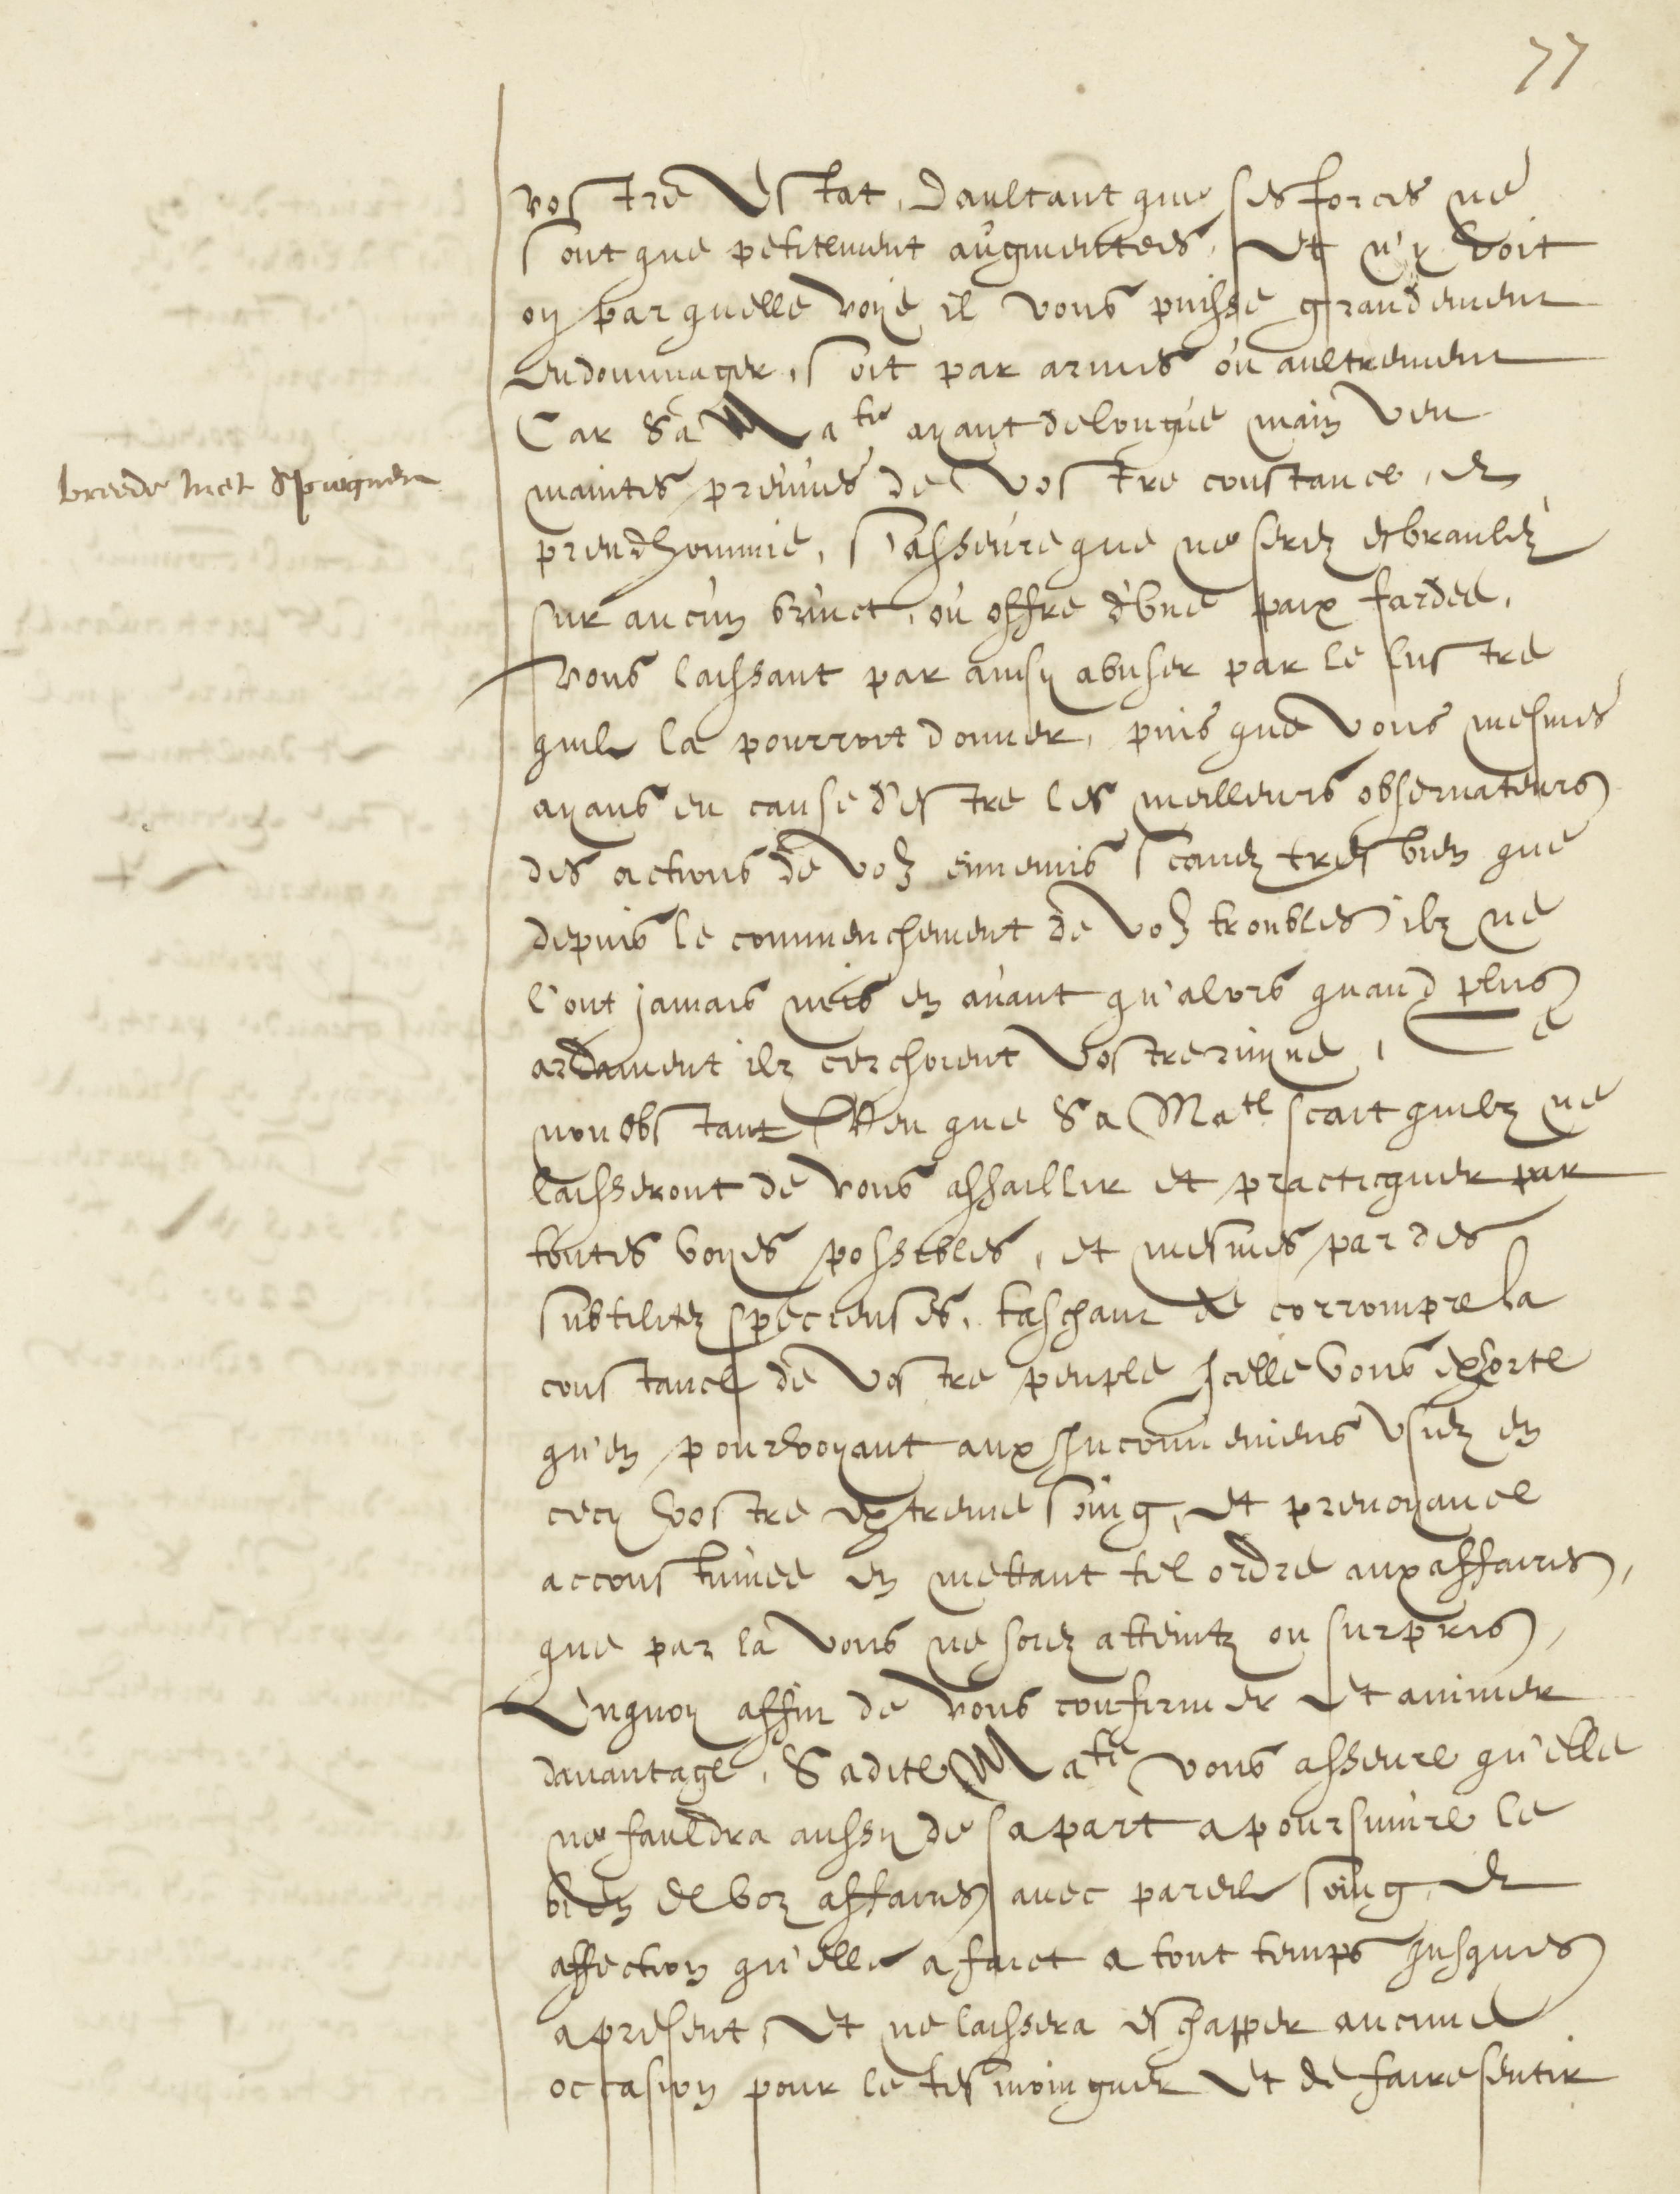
77
vreede met Spaignen
vostre Estat, Daultant que ses forces ne
sont que petitement augmentees et n‛y voit
ou par quelle voye il vous puisse grandement
endommager, soit par armes ou aultrement
Car Sa Mate. ayant delongue main veu
maintes, preuues de vostre constance, et
prendhommie, s‛asseure que ne serez esbraulez
sur aucun bruict, ou offre d‛une paix fardee
vous laissant par ainsy abuser par le lustre
quil la pourroit donner, puis que vous mesmes
ayans en cause d‛estre les meilleurs obseruateurs
des actions de voz ennemis scauez tres bien que
depuis le commenchement de voz troubles ilz ne
l‛ont jamais mis en auant qu‛alors quand plus
ardament ilz cerchoient vostre ruyne, Ce
non obstant veu que Sa Mate. scait quilz ne
laisseront de vous assaillir et practicquer par
toutes voyes possibles, et mesmes par des
subtilitez specieuses, taschant de corrompre la
constance de vostre peuple Icelle vous exhorte
qu‛en pourvoyant aux Inconuenieus usiez en
cecy vostre extreme soing, et preuoyance
accoustumuee en mettant tel ordre aux affaires,
que par la vous ne soiez atteintz ou surpris.
Enquoy affin de vous confirmer et animer
dauantage, Sadite Mate. vous asseure qu‛elle
ne fauldra aussy de sa part a pour suiure le
bien et bon affaires auec pareil soing, et
affection qu‛elle a faict a tout temps jusques
a present et ne laissera eschapper aucune
occasion pour le tesmonigner et de faire sentir
